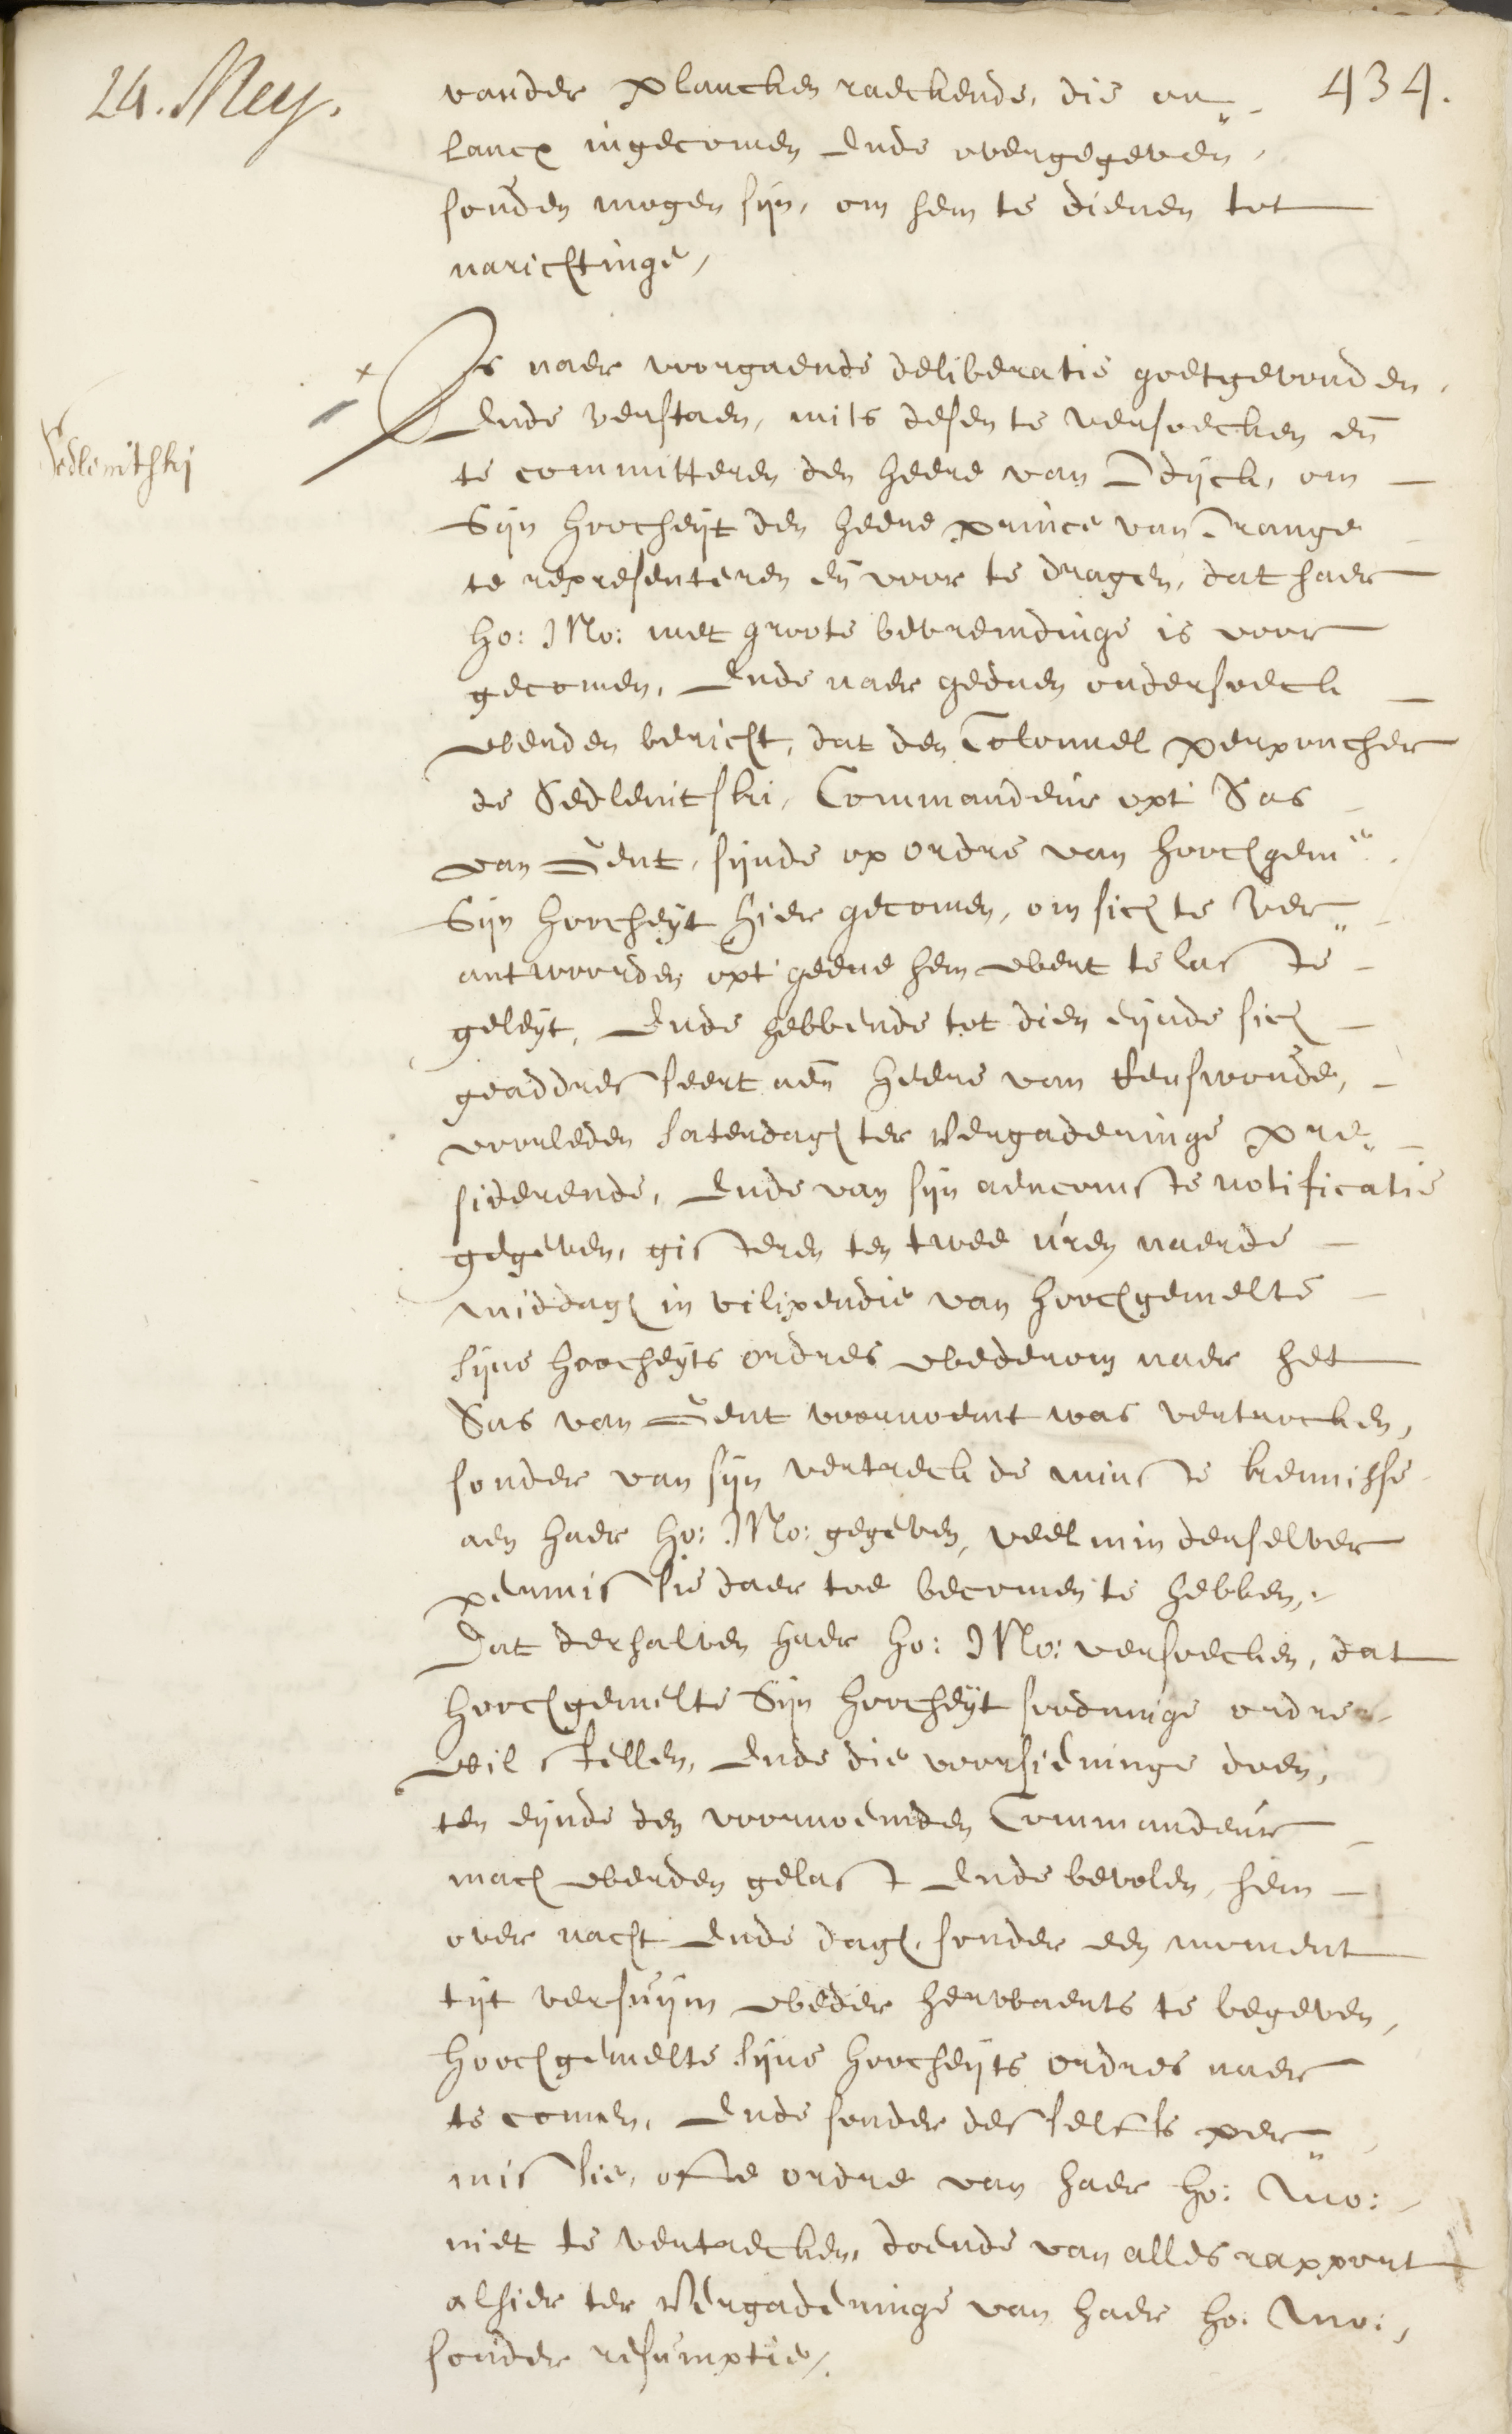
434.
24. Mey.
van der Plancken raeckende, die on„
lancx ingecomen ende overgegeven
souden mogen sijn, om hem te dienen tot
narichtinge.
Sedlenitski
Is naer voorgaende deliberatie goetgevonden
ende verstaen, mits desen te versoecken en
te committeren den heere van Odijck, om
Sijn hoocheijt den heere prince van Orange
te representeren en voor te dragen, dat haer
Ho:Mo: met groote bevremdinge is voor
gecomen, Ende naer gedaen ondersoeck
werden bericht, dat den Colonnel Perponcher
de Sedlenitski, Commandeur opt' Sas
van Gent, sijnde op ordre van hoochgeme
Sijn hoocheijt hier gecomen, om sich te ver„
antwoorden opt' geene hem wert te laste
geleijt, Ende hebbende tot dien eijnde sich
geaddresseert aen heere van Renswoude,
voorleden Saterdagh ter Vergaderinge pre„
siderende, Ende van sijn aencomste notificatie
gegeven, gisteren ten twee uren naerde
middagh in vilipendie van hoochgemelte
Sijne hoocheijts ordres wederom naer het
Sas van Gent voornoemt was vertrocken,
sonder van sijn vertreck de minste kennisse
aen haer Ho:Mo: gegeven, veel min derselver
permissie daer toe becomen te hebben;
dat derhalven haer Ho:Mo: versoecken, dat
hoochgemelte Sijn hoocheijt soodanige ordre
wil stellen, ende die voorsieninge doen,
ten eijnde den voornoemden Commandeur
mach werden gelast ende bevolen, hem -
over nacht ende dagh sonder een moment
tijt versuijm weder herwaerts te begeven,
hoochgemelte Sijne hoocheijts ordres naer
te comen, ende sonder desselffs per„
missie, ofte ordre van haer Ho:Mo:
niet te vertrecken, doende van alles rapport
alhier ter Vergaderinge van haer Ho:Mo:,
sonder resumptie.
